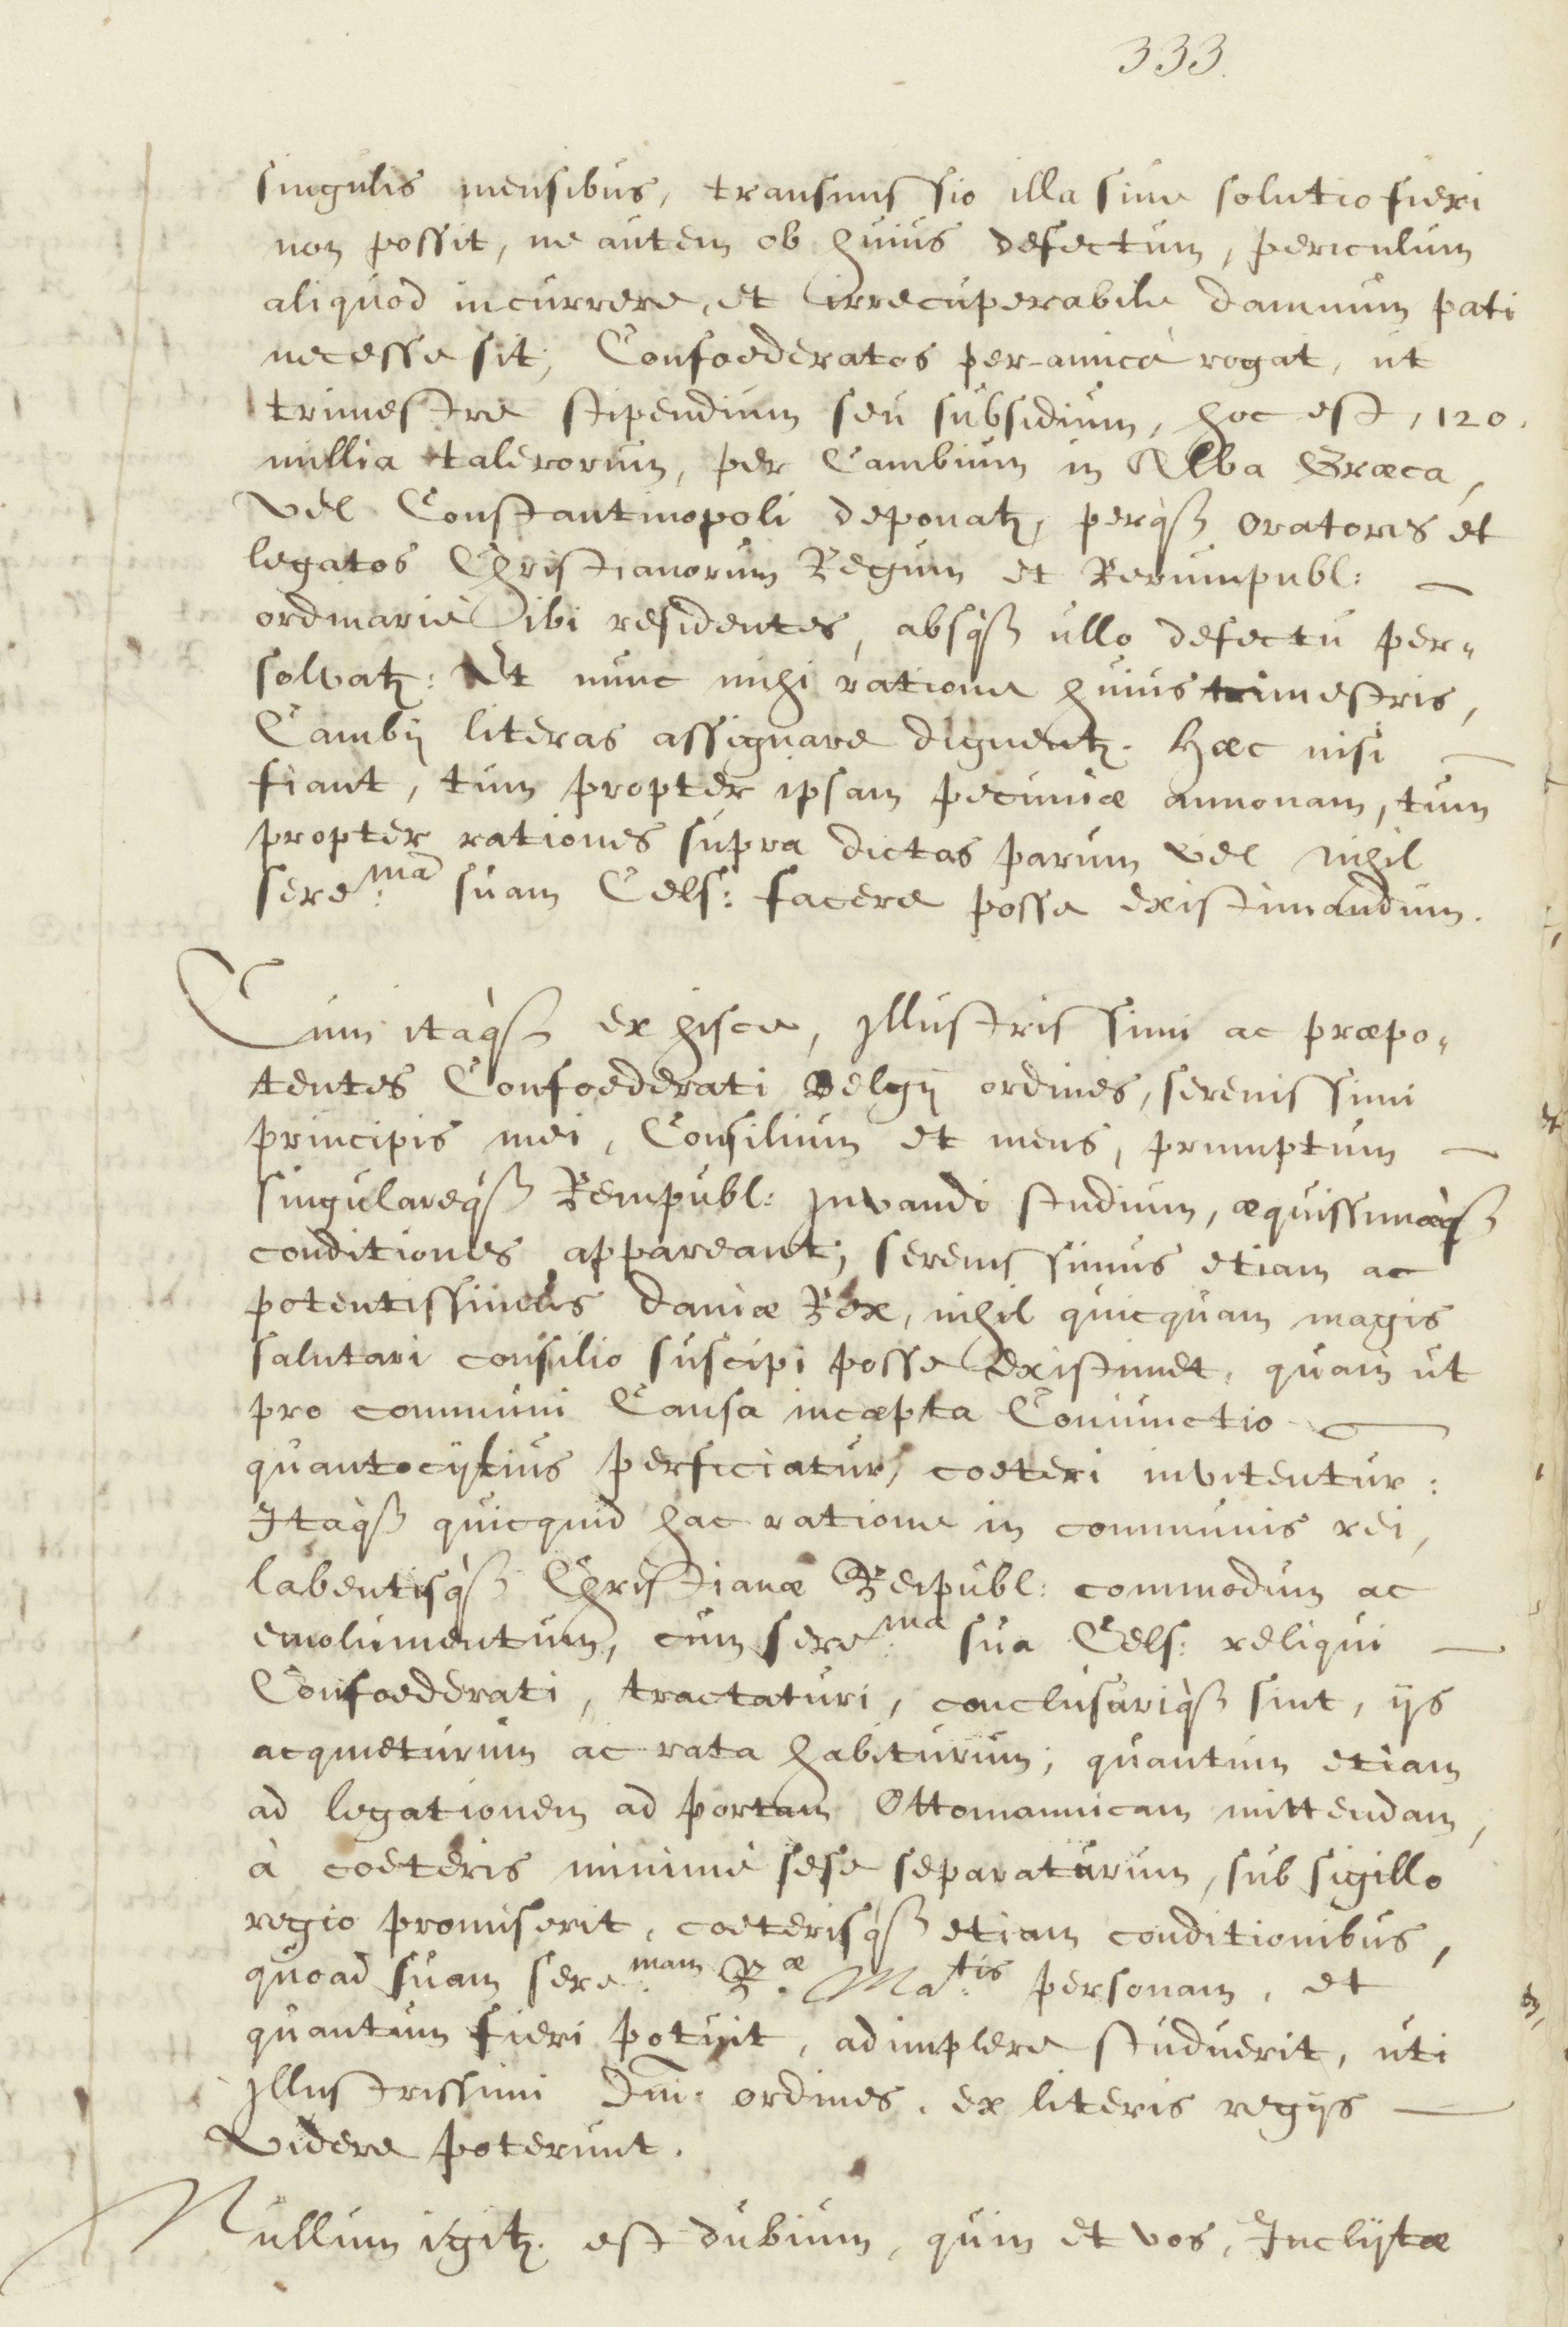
333
singulis mensibus, transmissio illa siue solutio fieri
non possit, ne autem ob huius defectum, periculum
aliquod incurrere, et irrecuperabile damnum pati
necesse sit; Confoederatos per amica rogat, ut
trimestre stipendium seu subsidium, hoc est, 120
millia talerorum, per Cambium in Alba Gracæ,
vel Constantinopoli deponat; perq oratoris et
legatos Christianorum Regum et Rerumpubl:
ordinarie ibi residentes absq ullo defectu per„
solvat: Et nunc mihi ratione huius trimestris,
Cambii literas assignare dignent. Hæc nisi
fiant, tum propter ipsam pecuniæ annonam, tum
propter rationes supra dictas parum vel nihil
serema: suam Cels. facere posse existimandum.
Cum itaq ex hisce, illustrissimi ac præpo„
tentes Confoederati Belgii ordines, serenissimi
principis mei, Consilium et mens, promptum
singulareq Rempubl: Iuvandi studium, æquissimæq
conditiones appareant, serenissimus etiam ac
potentissimus daniæ Rex, nihil quicquam magis
salutari consilio suscipi posse existimet, quam ut
pro communi Causa incæpta Coniunctio
quanto cytius perficiatur, coeteri invitentur:
Itaq quicquid hac ratione in communis rei
labentisq Christianæ Reipubl: commodum ac
emolumentum, cum serema: sua Cels. reliqui
Confoederati, tractaturi, conclusariq sint, iis
acquieturum ac rata habiturum; quantum etiam
ad legationem ad portam Ottomaninicam mittendam,
a coeteris minime sese separaturum, sub sigillo
regio promiserit, coeterisq etiam conditionibus
quoad suam seremam. Ræ. Matis. personam, et
quantum fieri potuit, ad implere studuerit, uti
Illustrissimi Dni. ordines, ex literis regiis
videre poterunt.
Mullum igit est dubium, quin et vos, Incliitæ
